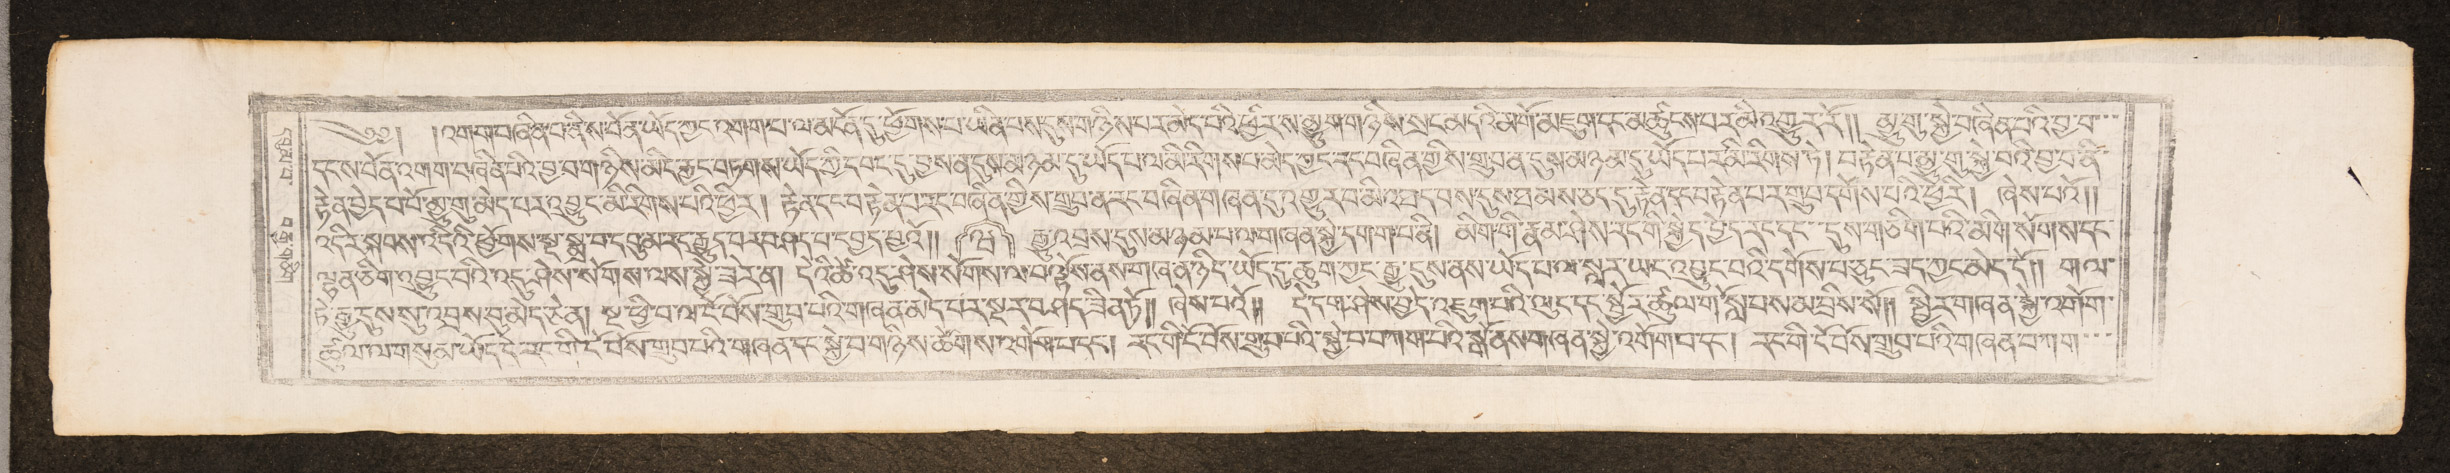༄༅། །འགག་བཞིན་པ་ནི་ས་བོན་ཡོད་ཀྱང་འགག་པ་ལ་མངོན་དུ་ཕྱོགས་པ་ཡིན་པས་དུས་གཉིས་པར་མེད་པའི་ཕྱིར་ས་མྱུག་གཉིས་སྲང་མདའི་མགོ་མཇུག་དང་མཚུངས་པར་མི་འགྱུར་རོ།། མྱུ་གུ་སྐྱེ་བཞིན་པའི་བྱ་བ་
དང་ས་བོན་འགག་བཞིན་པའི་བྱ་བ་གཉིས་མིང་རྐྱང་བཏགས་ཡོད་ཀྱི་དབང་དུ་བྱས་ན་དུས་མཉམ་དུ་ཡོད་པ་ལ་མི་རིགས་པ་མེད་ཀྱང་རང་བཞིན་གྱིས་གྲུབ་ན་དུས་མཉམ་དུ་ཡོད་པར་མི་རིགས་ཏེ། བརྟེན་པ་མྱུ་གུ་སྐྱེ་བའི་བྱ་བ་ནི་
རྟེན་བྱེད་པ་པོ་མྱུ་གུ་མེད་པར་འབྱུང་མི་རིགས་པའི་ཕྱིར། རྟེན་དང་བརྟེན་པ་རང་བཞིན་གྱིས་གྲུབ་ན་རང་བཞིན་གཞན་དུ་འགྱུར་བ་མི་འཐད་པས་དུས་ཐམས་ཅད་དུ་རྟེན་དང་བརྟེན་པར་གྲུབ་དགོས་པའི་ཕྱིར། ཞེས་པའོ།།
འདིར་སྐབས་འདིའི་ཕྱོགས་སྔ་སྨྲ་བ་དབུ་མ་རང་རྒྱུད་པར་བཤད་པ་དཔྱད་བྱའོ།། ༼༽ཝ༼༽ རྒྱུ་འབྲས་དུས་མཉམ་པ་ལ་གཞན་སྐྱེ་དགག་པ་ནི། མིག་གི་རྣམ་ཤེས་རང་གི་སྐྱེད་བྱེད་རང་དང་དུས་གཅིག་པའི་མིག་སོགས་དང་
ལྷན་ཅིག་འབྱུང་བའི་འདུ་ཤེས་སོགས་ལས་སྐྱེ་ཟེར་ན། དེའི་ཚེ་འདུ་ཤེས་སོགས་ལ་བལྟོས་ནས་གཞན་ཉིད་ཡོད་དུ་ཆུག་ཀྱང་རྒྱུ་དུས་ནས་ཡོད་པ་ལ་སླར་ཡང་འབྱུང་བའི་དགོས་པ་ཅུང་ཟད་ཀྱང་མེད་དོ།། གལ་
ཏེ་རྒྱུ་དུས་སུ་འབྲས་བུ་མེད་ཅེ་ན། སྔ་ཕྱི་བ་ལ་ངོ་བོས་གྲུབ་པའི་གཞན་མེད་པར་སྔར་བཤད་ཟིན་ཏོ།། ཞེས་པའོ།། དེ་དག་ཤེས་བྱེད་འཇུག་པའི་ལུང་དང་སྦྱོར་ཚུལ་གོ་སླ་བས་མ་བྲིས་སོ།། སྤྱིར་གཞན་སྐྱེ་འགོག་
ཚུལ་ལ་གསུམ་ཡོད་དེ་རང་གི་ངོ་བོས་གྲུབ་པའི་གཞན་དང་སྐྱེ་བ་གཉིས་ཚོགས་འགོག་པ་དང་། རང་གི་ངོ་བོས་གྲུབ་པའི་སྐྱེ་བ་བཀག་པའི་སྒོ་ནས་གཞན་སྐྱེ་འགོག་པ་དང་། རང་གི་ངོ་བོས་གྲུབ་པའི་གཞན་བཀག་